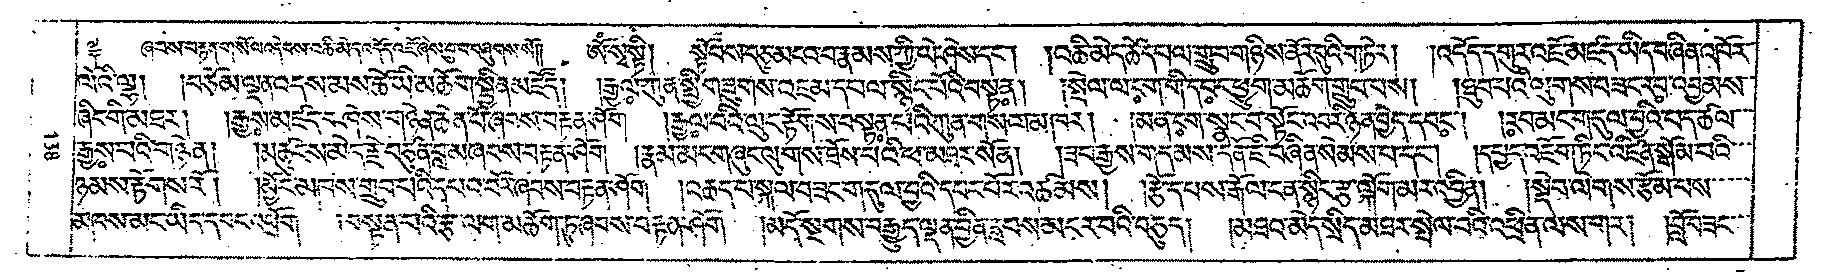༈ ཞབས་བརྟན་གསོལ་འདེབས་འཆི་མེད་འདོད་འཇོ་ཞེས་བྱ་བ་བཞུགས་སོ།། ཨོཾ་སྭ་སྟི། སྟོབས་བཅུ་མངའ་བ་རྣམས་ཀྱི་ཡེ་ཤེས་དང་། །འཆི་མེད་ཚེ་དཔལ་གྲུབ་གཉིས་ནོར་བུའི་གཏེར། །འདོད་དགུར་འཇོ་མཛད་ཡིད་བཞིན་འཁོར་
ལོའི་ལྷ། །བཅོམ་ལྡན་འདས་མས་ཚེ་ཡི་མཆོག་སྦྱིན་མཛོད། །རྒྱལ྾་ཀུན་སྤྱི་གཟུགས་འཇམ་དཔལ་སྙིང་པོའི་བསྟན྾། །སྤེལ་ལ་ངག྾་གི་དབང྾་ཕྱུག་མཆོག་གྲུབ་པས། །ཐུབ་པའི་ལུགས་བཟང་རབ྾་འབྱམས་
ཞིང་གི་མཐར། །རྒྱས྾་མཛད་བཤེས་གཉེན་ཆེན་པོ་ཞབས་བརྟན་ཤོག །རྒྱལ྾་བའི་ལུང་རྟོགས་བསྟན྾་པའི་ཀུན་གསལ་མཁར། །མན་ངག྾་སྣང་བ་སྟོང་འབར་ཉིན་བྱེད་དབང྾། །རབ྾་མང་གདུལ་བྱའི་པད་ཚལ་
རྒྱས྾་པའི་གཉེན། །མཚུངས་མེད་རྗེ་བཙུན་བླ་མ་ཞབས་བརྟན་ཤོག །རྣམ་མང་གཞུང་ལུགས་ཐོས་པའི་ཕ་མཐར་སོན། །ཟབ་རྒྱས་གདམས་དོན་ཇི་བཞིན་སེམས་པ་དང་། །དཔྱད་འཇོག་ཏིང་འཛིན་སྒོམ་པའི་
ཉམས་རྟོགས་རོ། །མྱོང་མཁས་གྲུབ་པའི་དཔའ་བོར་ཞབས་བརྟན་ཤོག །འཆད་པ་སྐལ་བཟང་གདུལ་བྱའི་དབང་པོར་འཚམས། །རྩོད་པས་རྒོལ་ངན་སྙིང་རྩ་ལྐོག་མར་འབྱིན། །སྡེབ་ལེགས་རྩོམ་པས་
མཁས་མང་ཡིད་དབང་འཕྲོག །བསྟན་པའི་རྩ་ལག་མཆོག་ཏུ་ཞབས་བརྟན་ཤོག །མདོ་སྔགས་བརྒྱུད་ལྡན་བྱིན་རླབས་མངར་བའི་བཅུད། །མཐའ་མེད་སྲིད་མཐར་སྤེལ་བའི་འཕྲིན་ལས་གར། །བློ་བཟང་